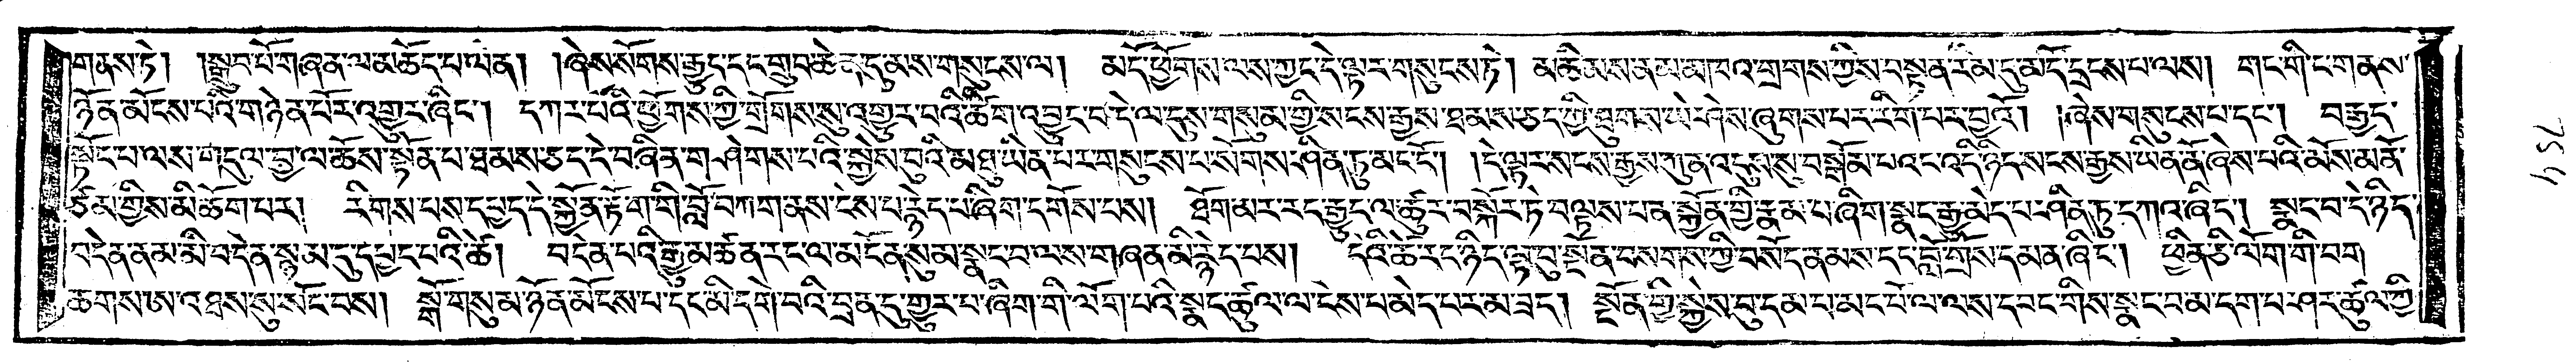གནས་ཏེ། །སྒྲུབ་པོ་གཞན་ལ་མཆོད་པ་ལེན། །ཞེས་སོགས་རྒྱུད་དང་གྲུབ་ཆེན་དུ་མས་གསུངས་ལ། མདོ་ཕྱོགས་ལས་ཀྱང་དེ་ལྟར་གསུངས་ཏེ། མཆིམས་ནམ་མཁའ་གྲགས་ཀྱིས་བསྟན་རིམ་དུ་མདོ་དྲངས་པ་ལས། གང་གི་ང་གནས་
ཉོན་མོངས་པའི་གཉེན་པོར་འགྱུར་ཞིང་། དཀར་པོའི་ཕྱོགས་ཀྱི་གྲོགས་སུ་འགྱུར་བའི་ཚིག་འབྱུང་བ་དེ་ལ་དུས་གསུམ་གྱི་སངས་རྒྱས་ཐམས་ཅད་ཀྱི་ཐུགས་ཡེ་ཤེས་ཞུགས་པར་རིག་པར་བྱའོ། །ཞེས་གསུངས་པ་དང་། བརྒྱད་
སྟོང་པ་ལས་གདུལ་བྱ་ལ་ཆོས་སྟོན་པ་ཐམས་ཅད་དེ་བཞིན་གཤེགས་པའི་སྐྱེས་བུའི་མཐུ་ཡིན་པར་གསུངས་པ་སོགས་ཤིན་ཏུ་མང་ངོ། །དེ་ལྟར་སངས་རྒྱས་ཀུན་འདུས་སུ་བསྒོམ་པའང་འདི་ཉིད་སངས་རྒྱས་ཡིན་ནོ་ཞེས་པའི་མོས་མནོ་
ཙམ་གྱིས་མི་ཆོག་པར། རིགས་པས་དཔྱད་དེ་སྐྱོན་རྟོག་གི་བློ་བཀག་ནས་ངེས་པ་རྙེད་པ་ཞིག་དགོས་པས། ཐོག་མར་རང་རྒྱུད་ལ་ཚུར་བསྐོར་ཏེ་བལྟས་པ་ན་སྐྱོན་གྱི་རྣམ་པ་ཞིག་སྣང་རྒྱུ་མེད་པ་ཤིན་ཏུ་དཀའ་ཞིང་། སྣང་བ་དེ་ཉིད་
བདེན་ནམ་མི་བདེན་སྙམ་དུ་དཔྱད་པའི་ཚེ། བདེན་པའི་རྒྱུ་མཚན་རང་ལ་མངོན་སུམ་སྣང་བ་ལས་གཞན་མི་རྙེད་པས། དེའི་ཚེ་རང་ཉིད་ལྟ་བུ་སྔོན་བསགས་ཀྱི་བསོད་ནམས་དད་བློ་གྲོས་དམན་ཞིང་། ཕྱིན་ཅི་ལོག་གི་བག་
ཆགས་ཨ་འཐས་སུ་སོང་བས། སྒོ་གསུམ་ཉོན་མོངས་པ་དང་མི་དགེ་བའི་ཕྲན་དུ་གྱུར་པ་ཞིག་གི་ལོག་པའི་སྣང་ཚུལ་ལ་ངེས་པ་མེད་པར་མ་ཟད། སྔོན་གྱི་སྐྱེས་བུ་དམ་པ་མང་པོ་ལ་ལས་དབང་གིས་སྣང་བ་མ་དག་པ་ཤར་ཚུལ་ཀྱི་